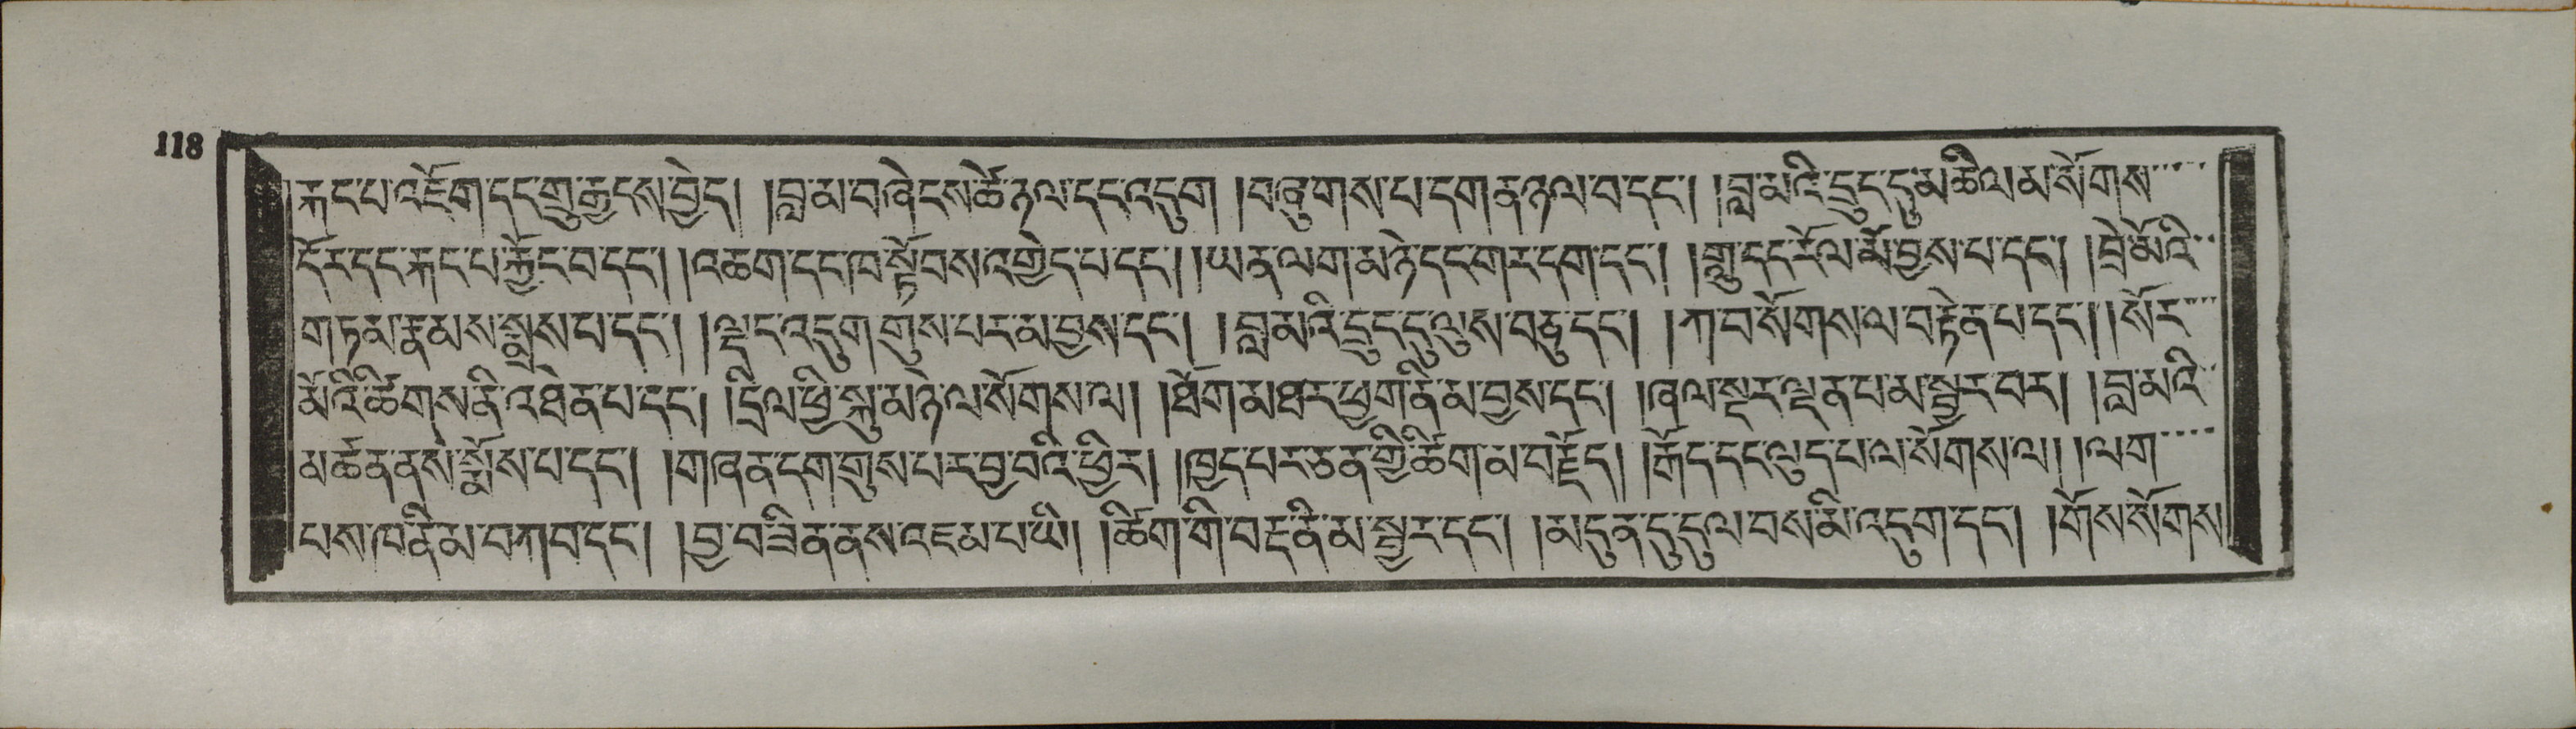རྐང་པ་འཇོག་དང་གྲུ་རྒྱངས་བྱེད། །བླ་མ་བཞེངས་ཚེ་ཉལ་དང་འདུག །བཞུགས་པ་དག་ན་ཉལ་བ་དང་། །བླ་མའི་དྲུང་དུ་མཆིལ་མ་སོགས་
དོར་དང་རྐང་པ་རྐྱོང་བ་དང་། །འཆག་དང་ཁ་སྟོབས་འགྱེད་པ་དང་། །ཡན་ལག་མཉེ་དང་གར་དག་དང་། །གླུ་དང་རོལ་མོ་བྱས་པ་དང་། །བྲེ་མོའི་
གཏམ་རྣམས་སྨྲས་པ་དང་། །ལྡང་འདུག་གུས་པར་མ་བྱས་དང་། །བླ་མའི་དྲུང་དུ་ལུས་བཅུ་དང་། །ཀ་བ་སོགས་ལ་བརྟེན་པ་དང་། །སོར་
མོའི་ཚིགས་ནི་འཐེན་པ་དང་། །དྲིལ་ཕྱི་སྐུ་མཉེ་ལ་སོགས་ལ། །ཐོག་མཐར་ཕྱག་ནི་མ་བྱས་དང་། །ཞལ་སྔར་ལྡན་པ་མ་སྦྱར་བར། །བླ་མའི་
མཚན་ནས་སྨོས་པ་དང་། །གཞན་དག་གུས་པར་བྱ་བའི་ཕྱིར། །ཁྱད་པར་ཅན་གྱི་ཚིག་མ་བརྗོད། །རྒོད་དང་ལུད་པ་ལ་སོགས་ལ། །ལག་
པས་ཁ་ནི་མ་བཀབ་དང་། །བྱ་བ་ཟིན་ནས་འཇམ་པ་ཡི། །ཚིག་གི་བརྡ་ནི་མ་སྦྱར་དང་། །མདུན་དུ་དུལ་བས་མི་འདུག་དང་། །གོས་སོགས་